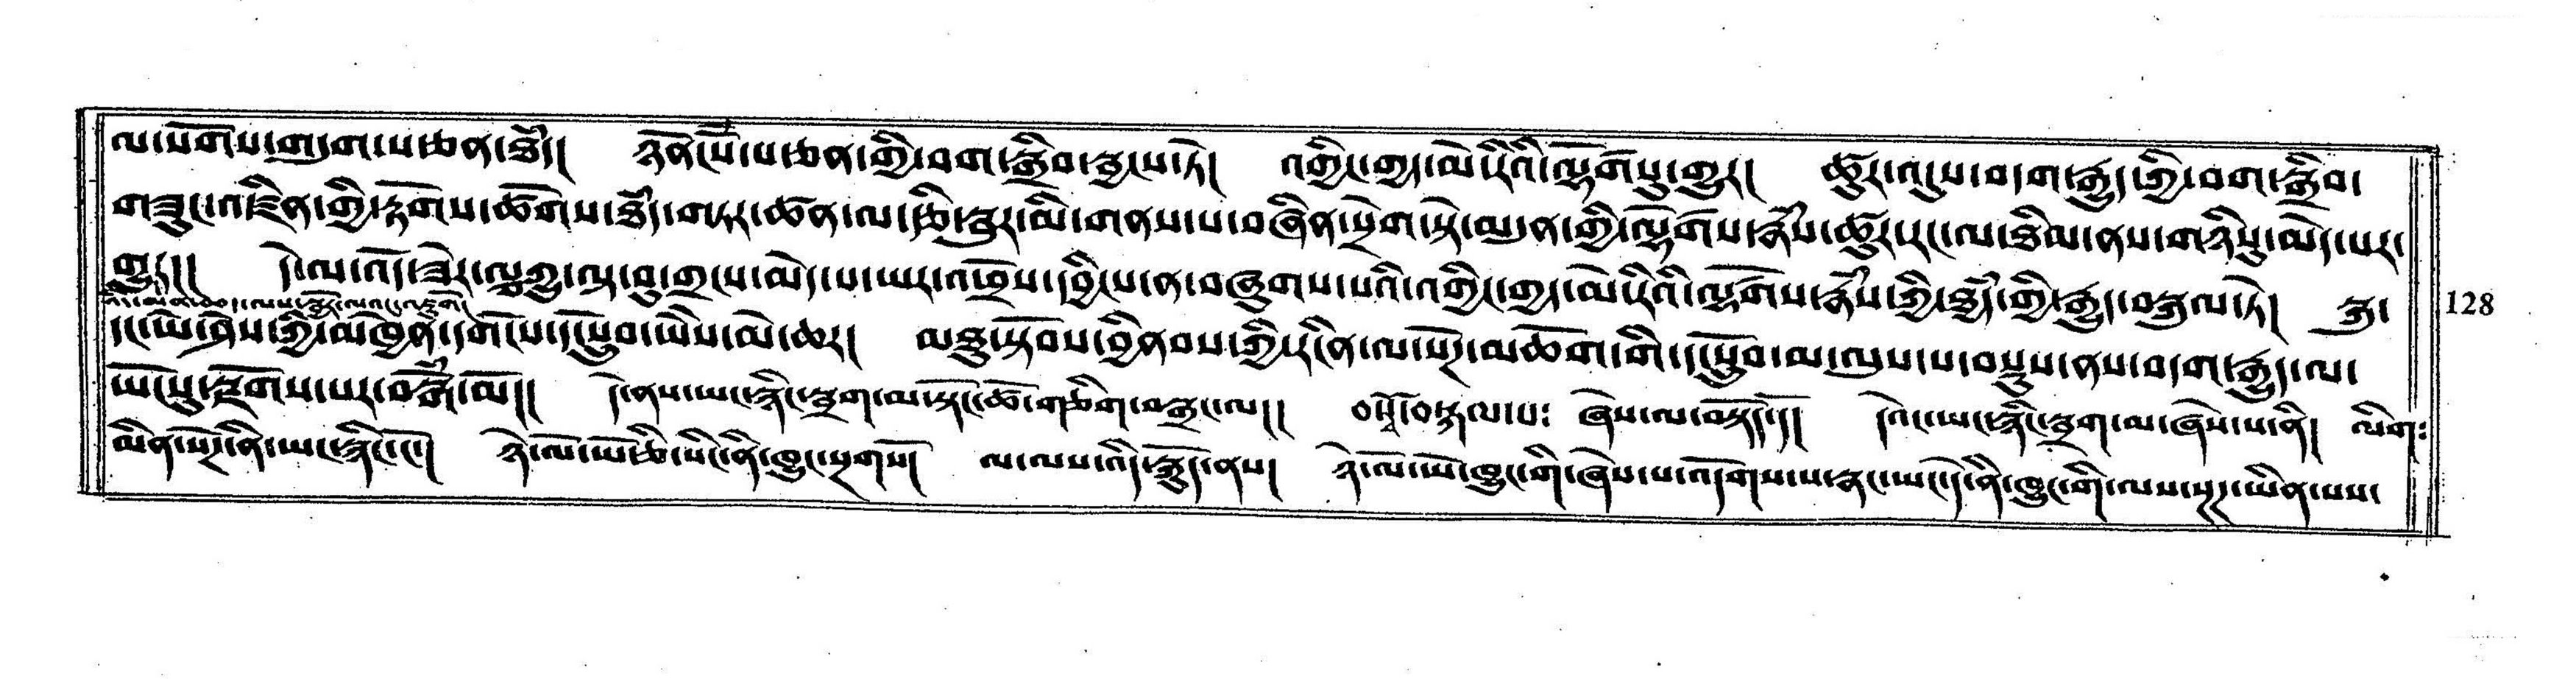ལ་སོགས་གདུག་པ་ཅན་ཐམས་ཅད། ཉོན་མོངས་པ་ཅན་གྱི་བག་སྒྲིབ་སྦྱངས་ཏེ། འགྱིང་གྱད་མེ་རིའི་ལྷ་ཚོགས་སུ་གྱུར། ཚུར་འདུས་བདག་རྒྱུད་ཀྱི་བག་སྒྲིབ་
གཟུང་འཛིན་གྱི་རྟོགས་ཚོགས་ཐམས་ཅད་གཏར་ཚན་ལ་རྩི་སྦུར་མི་གནས་པ་བཞིན་སྲེག་སྟེ་མདུན་གྱི་ལྷ་ཚོགས་རྣམས་ཚུར་རང་ལ་ཐིམ་ནས་གཉིས་སུ་མེད་པར་
གྱུར། འདི་མན་ཆད་ལས་སྦྱོར་ལའང་འཇུག་གོ དེ་ལ་འོད་ཟེར་ལྕག་ཀྱུ་ལྟ་བུ་གྲངས་མེད་པ་ཡར་འཕྲོས་དབྱིངས་ན་བཞུགས་པའི་འགྱིང་གྱད་མེ་རིའི་ལྷ་ཚོགས་རྣམས་ཀྱི་ཐུགས་དམ་གྱི་རྒྱུད་བསྐུལ་ཏེ། སྐུ་
དང་ཡེ་ཤེས་ཀྱི་མཁྱེན་དགོངས་དངོས་གྲུབ་ཡེ་ཤེས་མེ་ཆར། མཐུ་སྟོབས་བྱིན་རླབས་ཀྱི་རང་བཞིན་ལ་སོགས་མཆོག་གི་དངོས་གྲུབ་མ་ལུས་པ་བསྡུས་ནས་བདག་རྒྱུད་ལ་
ཡོངས་སུ་རྫོགས་པར་བསྒོམ་མོ།། དེ་ནས་ཡང་སྙིང་སྦྲག་མ་སྟོང་ཚོ་གཅིག་བསྒྲང་ལ།། བསྭོ་བསྐལ་པ༴ ཞེས་ལ་བསྟོད་དོ། དེའང་ཡང་སྙིང་སྦྲག་མ་ཞེས་པ་ནི། ལིག་
མིན་སོགས་ནི་ཡང་སྙིང་ངོ་། ཉེ་ལོ་ཡོ་ཅི་སིང་ནི་ཁྱུང་སྔགས་སོ། ལ་ལས་འདི་སྐུ་བསྟོད་ནས། ཉེ་ལོ་ཡོ་ཁྱུང་གི་ཞེས་པ་འདོགས་པ་སྣང་ཡང་དེ་ནི་ཁྱུང་གི་ལས་སྔགས་ཡིན་པས་